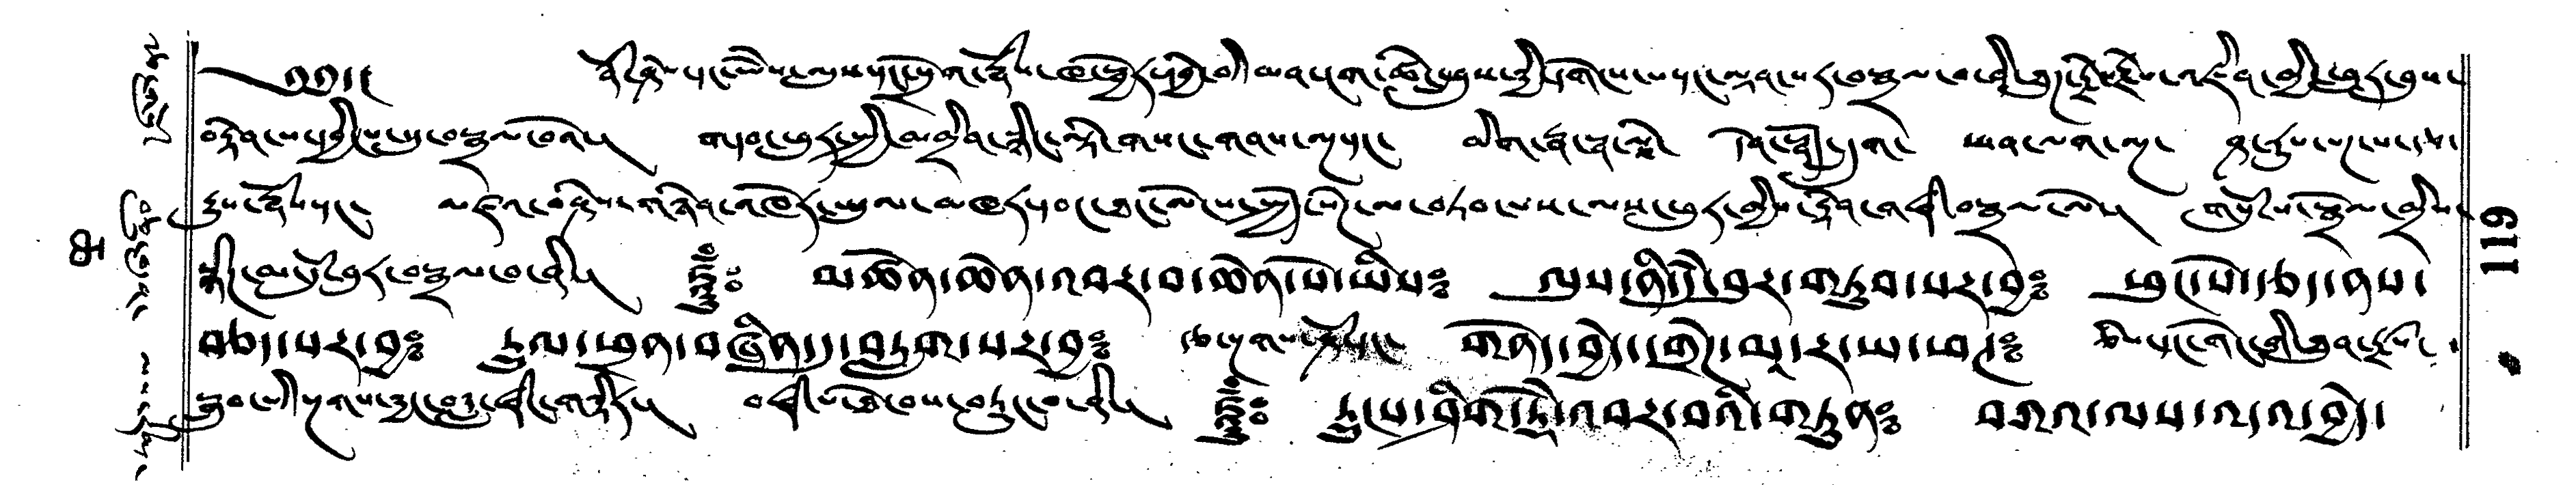རྣམ་ཤེས་དང་ཡེ་ཤེས་ལུས་དང་སྲོག་རྣམས་ཁ་སྦྱོར་དབྱེ་བའི་མན་ངག་ཚེ་ཁྲུས་ཀྱི་དགོངས་པ་དང་ལྡན་པར་བསྒྲལ་བ་ནི་ཐུགས་རྗེ་རྗེས་འཛིན་གྱི་ཕུར་བུས་
བརྟེན་པ་དབྱིངས་སུ་བསྒྲལ་བའོ། གདབ་ཕུར་སྤྱི་མགྲིན་སྙིང་ལྟེ་གསང་གནས་ལྔ་དང་།མིག་རྣ་སྣ་ལྕེ། དོན་སྣོད་དྲུག ཡན་ལག་ལྔ། ཤ་རུས་པགས་པ་རྩ་
རྒྱུས་རྣམས་དང་། མཛའ་བཤེས་གཉེན་འཁོར་ཡུལ་མཁར་དབང་ཐང་ལོངས་སྤྱོད་སོགས་ལ་བཏབ་པས་ལས་ཕུར་གྱིས་རྟེན་གཞི་བསྒྲལ་ལོ། གསུམ་པ་སྒྲོལ་གྲིས་
སྙིགས་མ་དུམ་བུར་བསྒྲལ་བ་ནི། ཧཱུྃ༔ མཚོན་ཆེན་འབར་བ་ཆེན་པོ་ཡིས༔ ལུས་ནི་དུམ་བུར་གཏུབ་པར་བྱ༔ ཕུང་པོ་རྩད་ནས་
བཅད་པར་བྱ༔ རྡུལ་ཕྲན་བཞིན་དུ་བརླག་པར་བྱ༔ རྩ་སྔགས་གཤམ་དུ། གནོད་བྱེད་དགྲ་བགེགས་མཱ་ར་ཡ་ཕཊཿ ཅེས་དང་གོང་གི་ཐུན་རྫས་
སྒྲུབ་པའི་སྔགས་ཀྱང་བཟླ་ཞིང་གཟིར། བཞི་པ་ཐོ་བས་བརྡུང་བ་ནི། ཧཱུྃ༔ རྡུངས་ཤིག་རྡོ་རྗེ་འབར་བའི་གཏུན༔ བཀའ་ལས་འདའ་བྱེད་